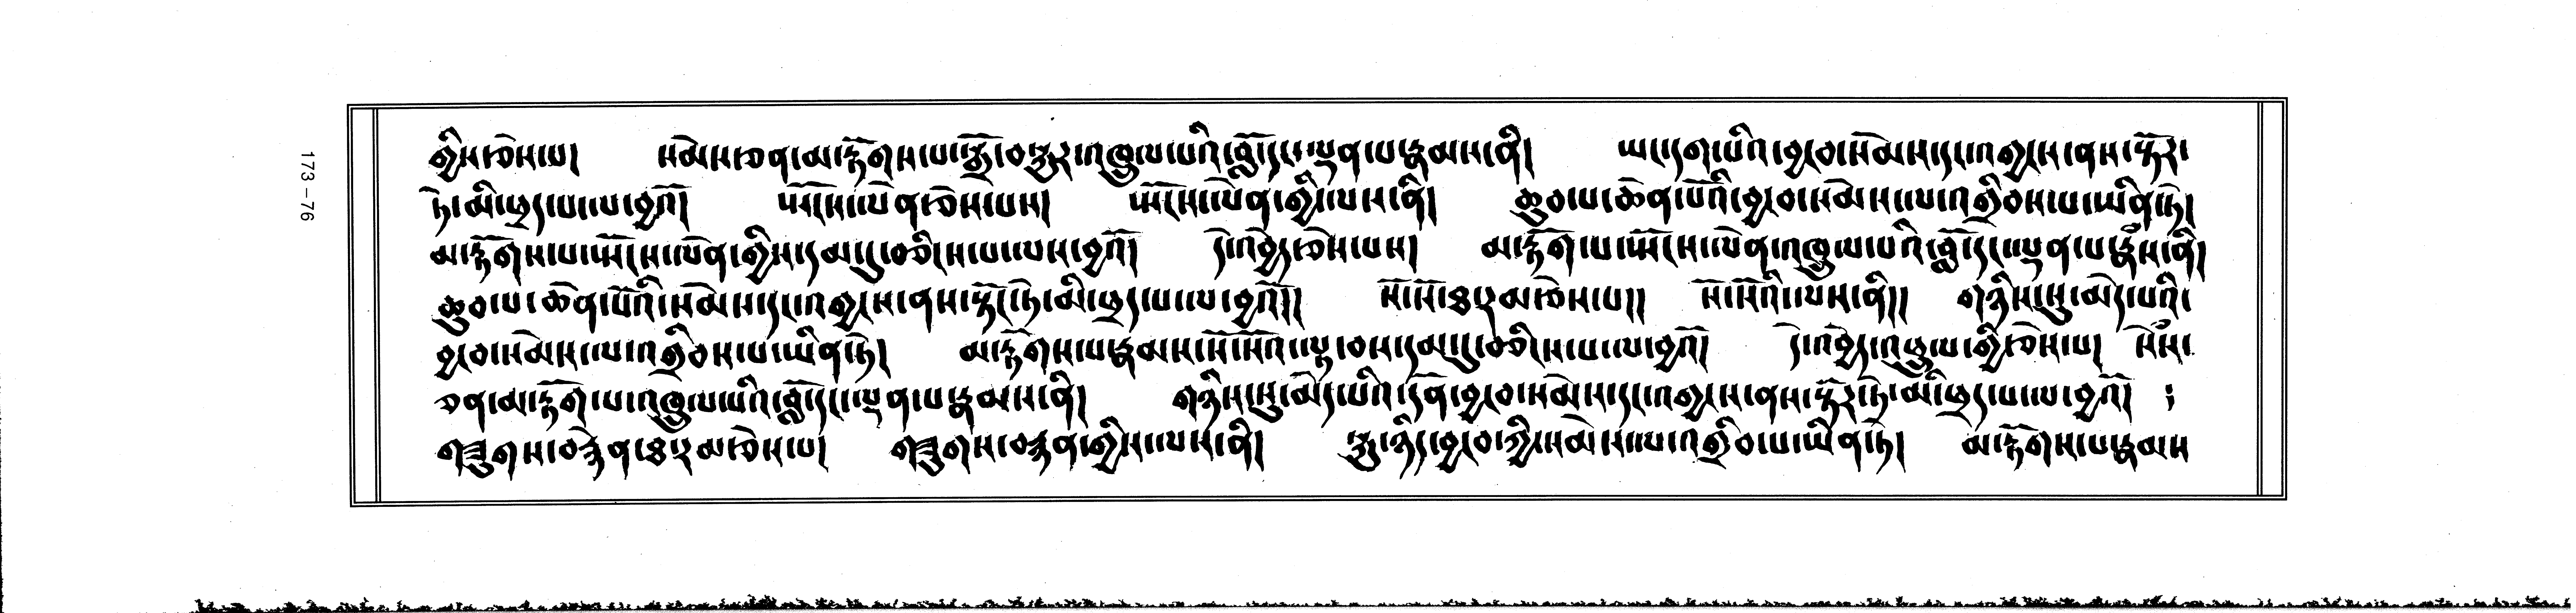གྱི་ཅེས་པས། སེམས་ཅན་མ་རྟོགས་པ་སྒྲོ་སྐུར་འཁྲུལ་པའི་བློ་དང་ལྡན་པ་རྣམས་ནི། ཡང་དག་པའི་བྱང་ཆུབ་སེམས་དང་འགྱངས་ནས་སྟོར་
ཏེ་མི་འཕྲད་པ་ལ་བྱའོ། །སྤོང་ལེན་ཅེས་པ། སྤོང་ལེན་གྱི་ལས་ནི། ཆུབ་པ་ཆེན་པོས་བྱང་ཆུབ་སེམས་ལ་འགྲིབ་པ་ཡིན་ཏེ། 
མ་རྟོགས་པ་སྤོང་ལེན་གྱིས་དམ་དུ་བཅིངས་པ་ལ་བྱའོ། དེ་འབྱེད་ཅེས་པས། མ་རྟོགས་པ་སྤོང་ལེན་འཁྲུལ་པའི་བློ་དང་ལྡན་པ་རྣམས་ནི། 
ཆུབ་པ་ཆེན་པོའི་སེམས་དང་འགྱངས་ནས་སྟོར་ཏེ་མི་འཕྲད་པ་ལ་བྱའོ། །སོ་སོ་ཐ་རམ་ཅེས་པ། སོ་སོའི་ལས་ནི། གཉིས་སུ་མེད་པའི་
བྱང་ཆུབ་སེམས་ལ་འགྲིབ་པ་ཡིན་ཏེ། མ་རྟོགས་པ་རྣམས་སོ་སོའི་ལྟ་བས་དམ་དུ་བཅིངས་པ་ལ་བྱའོ། དེ་འབྱེད་འཕྲུལ་གྱི་ཅེས་པས། སེམས་
ཅན་མ་རྟོགས་པ་འཁྲུལ་པའི་བློ་དང་ལྡན་པ་རྣམས་ནི། གཉིས་སུ་མེད་པའི་དོན་བྱང་ཆུབ་སེམས་དང་འགྱངས་ནས་སྟོར་ཏེ་མི་འཕྲད་པ་ལ་བྱའོ། །
གཟུགས་བརྙན་ཐ་རམ་ཅེས་པ། གཟུགས་བརྙན་གྱི་ལས་ནི། སྐུ་ཉིད་བྱང་ཆུབ་སེམས་ལ་འགྲིབ་པ་ཡིན་ཏེ། མ་རྟོགས་པ་རྣམས་